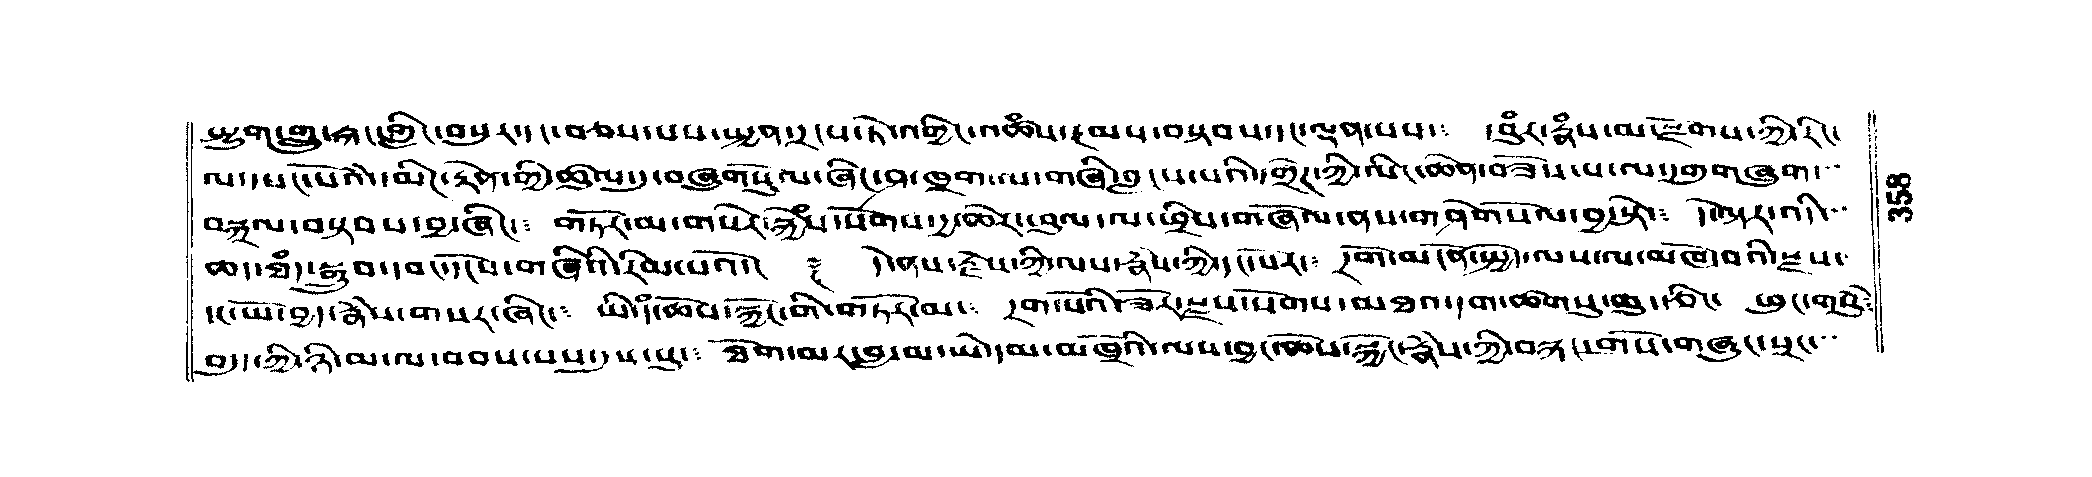སྤྱུག་གླུ་རྐང་གླིང་བསུར་དང་བཅས་པས་སྤྱན་དྲངས་ཏེ་འགྱིང་འཚམས་རྔམས་བསྟབས་དང་ལྡན་པས༴ དབུ་མར་རྣམས་མ་རྫོགས་ཀྱི་རིང་
ལ་དཔང་པོའམ་དམིགས་རྟེན་གྱི་ཚུལ་དུ་བཞུགས་སུ་གསོལ་ཞིང་ཤ་ཁྲག་ལ་གཞི་བླང་པའི་དགྲེགས་ཀྱི་ལིང་ཆེན་བཟོས་པ་ལ་དགུག་གཞུག་
བསྐྲལ་བསྟབས་བྱ་ཞིང༴ གཏོཏ་མ་གསེར་སྐྱེམས་སོགས་རྒྱ་ཆེར་བུལ་ལ་ཕྲིན་ལས་གཞོལ་ནས་གཤེགས་གསོལ་བྱ་སྟེ༴ དེ་ལྟར་འདི་
ཆད་ཐམས་ཅད་བསྒྲུབ་དབང་དངོས་གཞིའི་རིམ་པའོ། ༈ དེ་ནས་རྗེས་ཀྱི་ལས་རྣམས་ཀྱི་དང་པོར༴ དྲོག་མངོན་སྤྱོད་ལས་ལ་མཁོ་བའི་རྫས་
དང་ཡོ་བྱད་རྣམས་གསར་ཞིང༴ ཡི་དམ་ཆོས་སྐྱོང་གི་གཏོར་མ༴ དྲག་པོའི་ཟོར་རྫས་སོགས་མཐའ་དག་ཚགས་སུ་ཆུད་ཅིང་། ཕུང་གསུམ་
བདུད་ཀྱི་ཉི་མ་ལ་བབས་པས་དུས་སུ༴ ཐོག་མར་བླ་མ་ཡི་དམ་མཁའ་འགྲོའི་ལས་བྱང་ཆོས་སྐྱོང་རྣམས་ཀྱི་བསྐང་གསོ་གཞུང་སྲང་